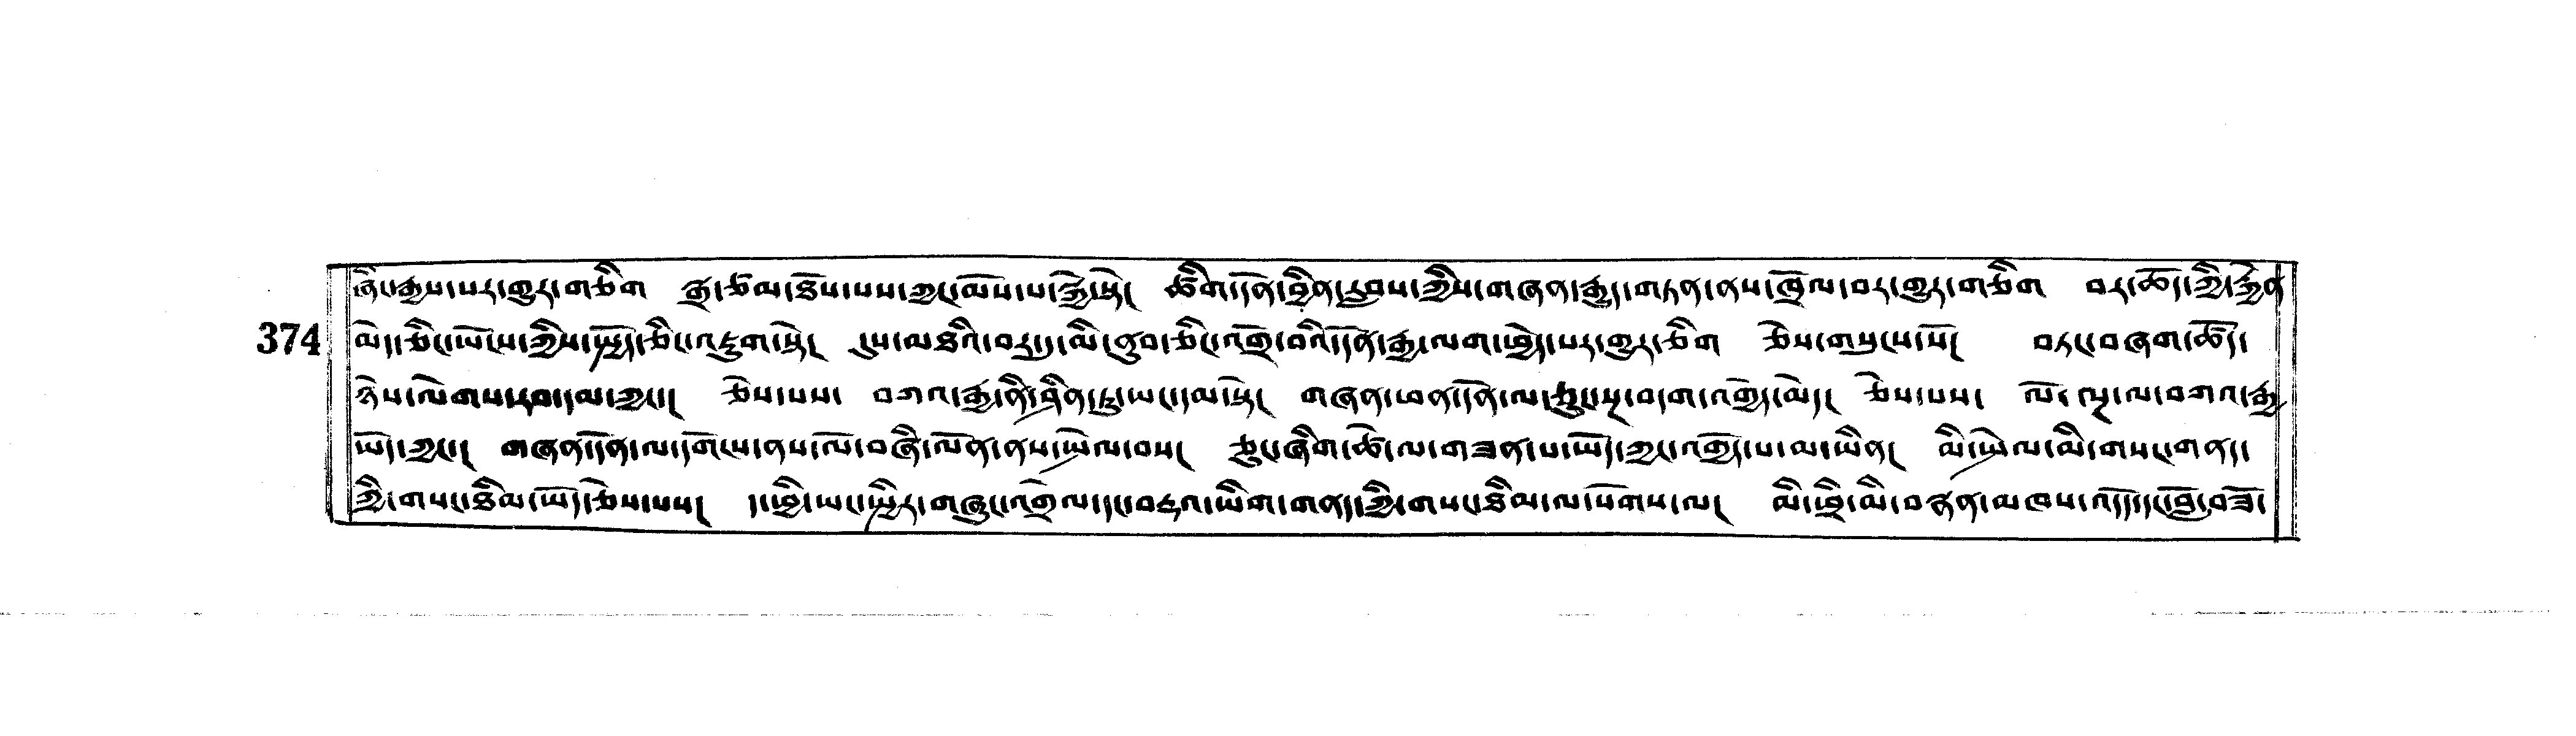ཞིང་རྒྱས་པར་གྱུར་ཅིག སྒྲ་ཙམ་ཐོས་པས་ཀྱང་མོས་པ་སྐྱེ་སྟེ། ཚིག་དོན་བྱིན་རླབས་ཀྱིས་གཞན་རྒྱུད་གཏན་ནས་ཁྲོལ་བར་གྱུར་ཅིག བར་ཆོད་ཀྱི་རྐྱེན་
མེད་ཅིང་ཡོངས་ཀྱིས་སྤྱོད་ཅིང་འཇུག་སྟེ། དུས་མཐའི་བར་དུ་མི་ནུབ་ཅིང་འགྲོ་བའི་དོན་རྒྱ་ལག་ཕྱེད་པར་གྱུར་ཅིག ཅེས་གསུངས་སོ། བཏང་བཞག་ཚོད་
ཉེས་ལེགས་རབ་དམ་ཀྱང་། ཅེས་པས། བཀའ་རྒྱ་ནི་ཤིན་ཏུ་ཡང་དམ་སྟེ། གཞན་ཕན་དོན་ལ་ཅུང་སྔ་བདག་འགྱོད་མེད། ཅེས་པས། ལོ་ལྔ་ལ་བཀའ་རྒྱ་
ཡོད་ཀྱང་། གཞན་དོན་ལ་དགོངས་ནས་ལོ་བཞི་ལོན་ནས་སྤེལ་བས། ཅུང་ཞིག་ཚེ་ལ་གཟན་པ་ཡོད་ཀྱང་འགྱོད་པ་མ་ཡིན། མི་སྤེལ་མི་གསང་གནད་
ཀྱི་གསང་ཐེམ་ཡོད། ཅེས་པས། ད་ཕྱི་ཡང་སྤྱིར་གཞུང་འགྲེལ་དང་བརྡ་ཡིག་གནད་ཀྱི་གསང་ཐིམ་ལ་སོགས་ལ། མི་ཕྲི་མི་བསྣན་མཁས་འདོད་དང་བློ་བཟོ་